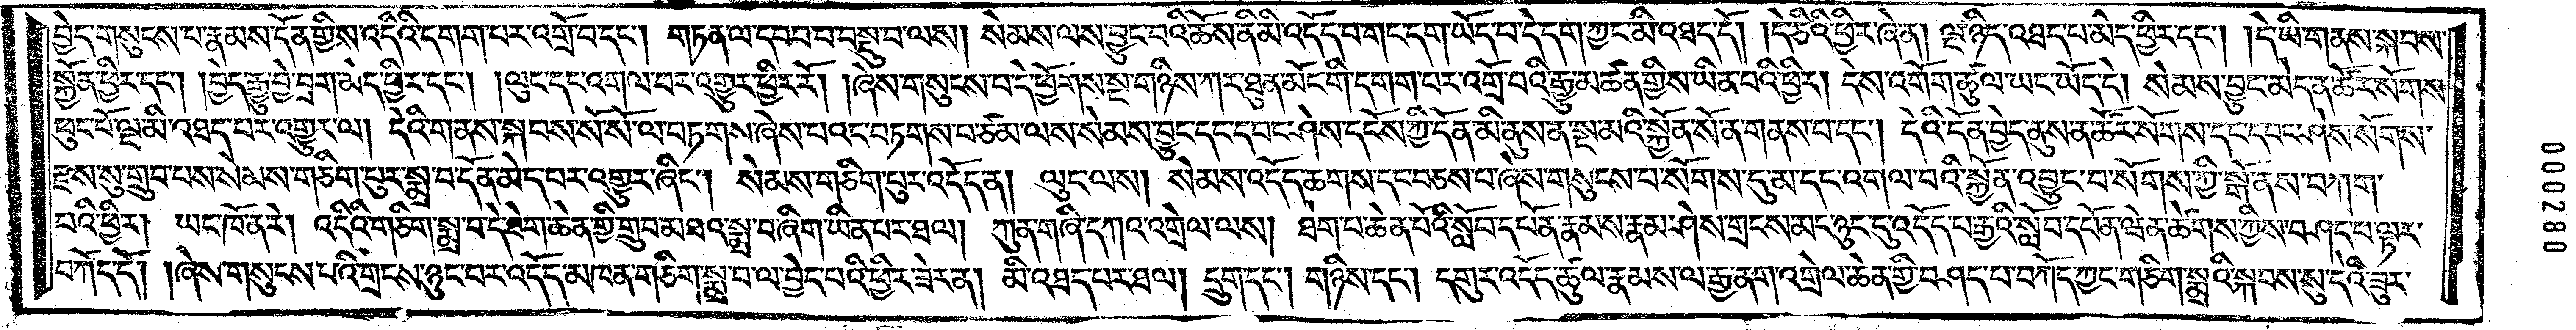བྱེད་གསུངས་པ་རྣམས་དོན་གྱིས་འདིའི་དགག་པར་འགྲོ་བ་དང་། གཏན་ལ་དབབ་བ་བསྡུ་བ་ལས། སེམས་ལས་བྱུང་བའི་ཆོས་ནི་མི་འདོད་པ་གང་དག་ཡོད་པ་དེ་དག་ཀྱང་མི་འཐད་དོ། །དེ་ཅིའི་ཕྱིར་ཞེ་ན། ལྔ་ཉིད་འཐད་པ་མེད་ཕྱིར་དང་། །དེ་ཡི་གནས་སྐབས་
སྐྱོན་ཕྱིར་དང་། །བྱེད་རྒྱུ་བྱེ་བྲག་མེད་ཕྱིར་དང་། །ལུང་དང་འགལ་བར་འགྱུར་ཕྱིར་རོ། །ཞེས་གསུངས་པ་དེ་ཕྱོགས་སྔ་གཉིས་ཀར་ཐུན་མོང་གི་དགག་པར་འགྲོ་བའི་རྒྱུ་མཚན་གྱིས་ཡིན་པའི་ཕྱིར། དེས་འགོག་ཚུལ་ཡང་ཡོད་དེ། སེམས་བྱུང་མེད་ན་ཚོར་སོགས་
ཕུང་པོ་ལྔ་མི་འཐད་པར་འགྱུར་ལ། དེའི་གནས་སྐབས་སོ་སོ་ལ་བཏགས་ཞེས་པའང་བཏགས་བ་ཙམ་ལས་སེམས་བྱུང་དང་དབང་ཤེས་དངོས་ཀྱི་དོན་མི་ནུས་ན་སྔ་མའི་སྐྱོན་སོན་གནས་པ་དང་། དེའི་དོན་བྱེད་ནུས་ན་ཚོར་སོགས་དང་དབང་ཤེས་སོགས་
རྗེས་སུ་གྲུབ་པས་སེམས་གཅིག་བུར་སྨྲ་བ་དོན་མེད་བར་འགྱུར་ཞིང་། སེམས་གཅིག་པུར་འདོད་ན། ལུང་ལས། སེམས་འདོད་ཆགས་དང་བཅས་པ་ཞེས་གསུངས་པ་སོགས་དུ་མ་དང་འགལ་བའི་སྐྱོན་འབྱུང་བ་སོགས་ཀྱི་སྒོ་ནས་བཀག་
བའི་ཕྱིར། ཡང་ཁོ་ན་རེ། འདིའི་གཅིག་སྨྲ་བ་དེ་ཐེག་ཆེན་གྱི་གྲུབ་མཐའ་སྨྲ་བ་ཞིག་ཡིན་པར་ཐལ། ཀུན་གཞི་དཀའ་འགྲེལ་ལས། ཐེག་པ་ཆེན་པོའི་སློབ་དཔོན་རྣམས་རྣམ་ཤེས་གྲངས་མང་ཉུང་དུ་འདོད་པ་རྒྱའི་སློབ་དཔོན་ཝེན་ཚེགས?་ཀྱིས་བཤད་པ་ལྟར་
བཀོད་དོ། །ཞེས་གསུངས་པའི་གྲངས་ཉུང་བར་འདོད་མཁན་གཅིག་སྨྲ་བ་ལ་བྱེད་པའི་ཕྱིར་ཟེར་ན། མི་འཐད་པར་ཐལ། དྲུག་དང་། གཉིས་དང་། དགུར་འདོད་ཚུལ་རྣམས་ལ་རྒྱ་ནག་འགྲེལ་ཆེན་གྱི་བཤད་པ་བཀོད་ཀྱང་གཅིག་སྨྲའི་སྐབས་སུ་དེའི་ཟུར་